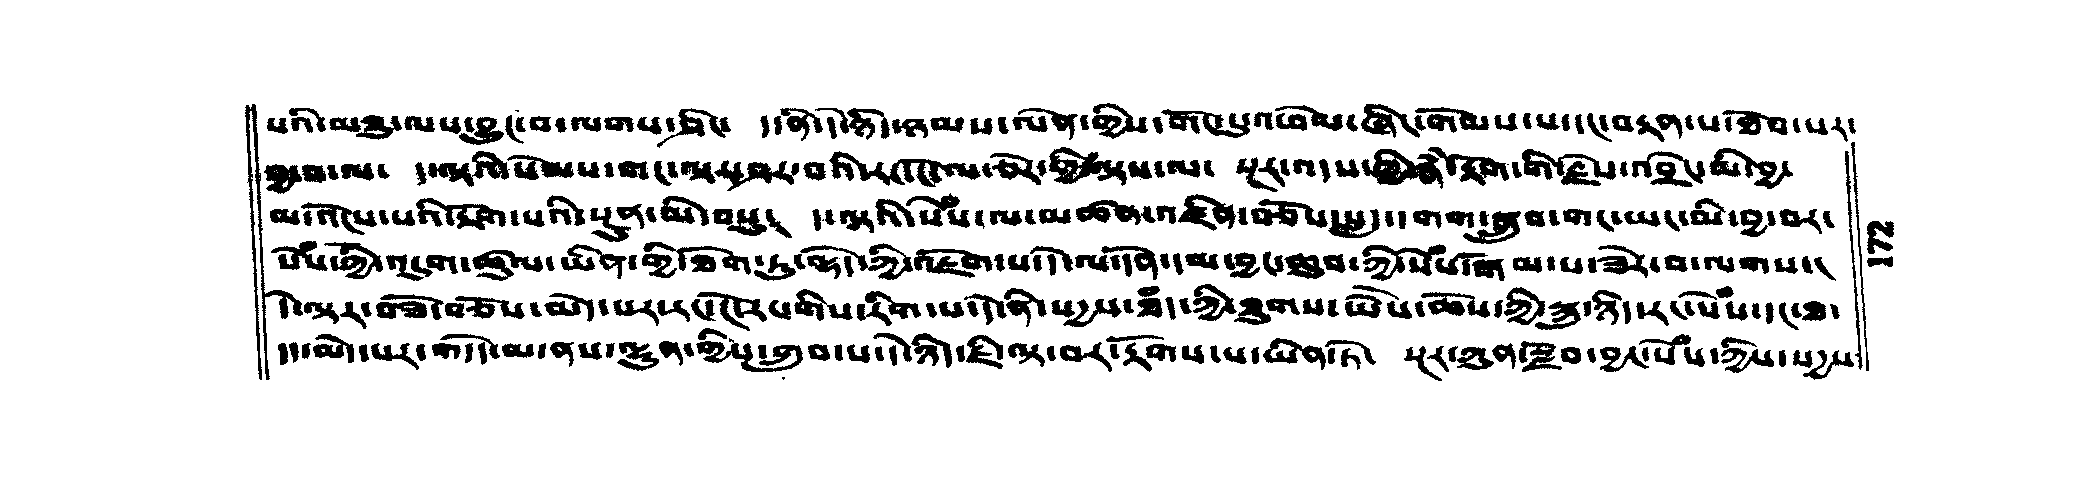པའི་མཐུ་ལས་བྱུང་བ་ལགས་ཤིང་། ད་ནི་དེ་ནིད་ཉམས་ལེན་གྱིས་གོང་དུ་འཕེལ་ཞིང་གོམས་པ་དང་བརྟན་པ་ཐོབ་པར་
བྱ་བ་ལ།ད་ལྟའི་སེམས་གང་ལྟར་ཤར་བའི་རག་ངོ་ལ་ཙེར་གྱི་བལྟས་ལ། སྔར་འདས་ཀྱི་རྣམ་རྟོག་གི་རྗེས་འབྲེང་མི་བྱ་
མ་འོངས་པའི་རྟོག་པའི་སྔུན་མི་བསུ། ད་ལྟའི་སེམས་ལ་མཚན་འཛིན་བཅོས་སླད་དགག་སྒྲུབ་གང་ཡང་མི་བྱ་བར་
སེམས་ཀྱི་འདུག་ཚུལ་ཡིན་གྱི་ཐོག་ཏུ་ལྷོད་ཀྱི་འཇོག་པ་དེ་ལ་དོན་དམ་བྱང་ཆུབ་ཀྱི་སེམས་སྒོམ་པ་ཟེར་བ་ལགས། 
དེ་ལྟར་བཟོ་བཅོས་མེད་པར་རང་ངོ་རང་རང་གིས་རིག་པ་དེ་ནི་སངས་རྒྱས་ཐམས་ཅད་ཀྱི་ཐུགས་ཡེ་ཤེས་ཆོས་ཀྱི་སྐུ་ཉིད་རང་སེམས་དང་ཐ་
དད་མེད་པར་གདོད་མ་ནས་ལྷུན་གྱིས་གྲུབ་པ་དེ་ཉིད་ཇི་ལྟ་བར་རྟོགས་པ་ཡིན་ཏེ། སྔར་ཀུན་རྫོབ་བྱང་སེམས་ཀྱིས་སངས་རྒྱས་